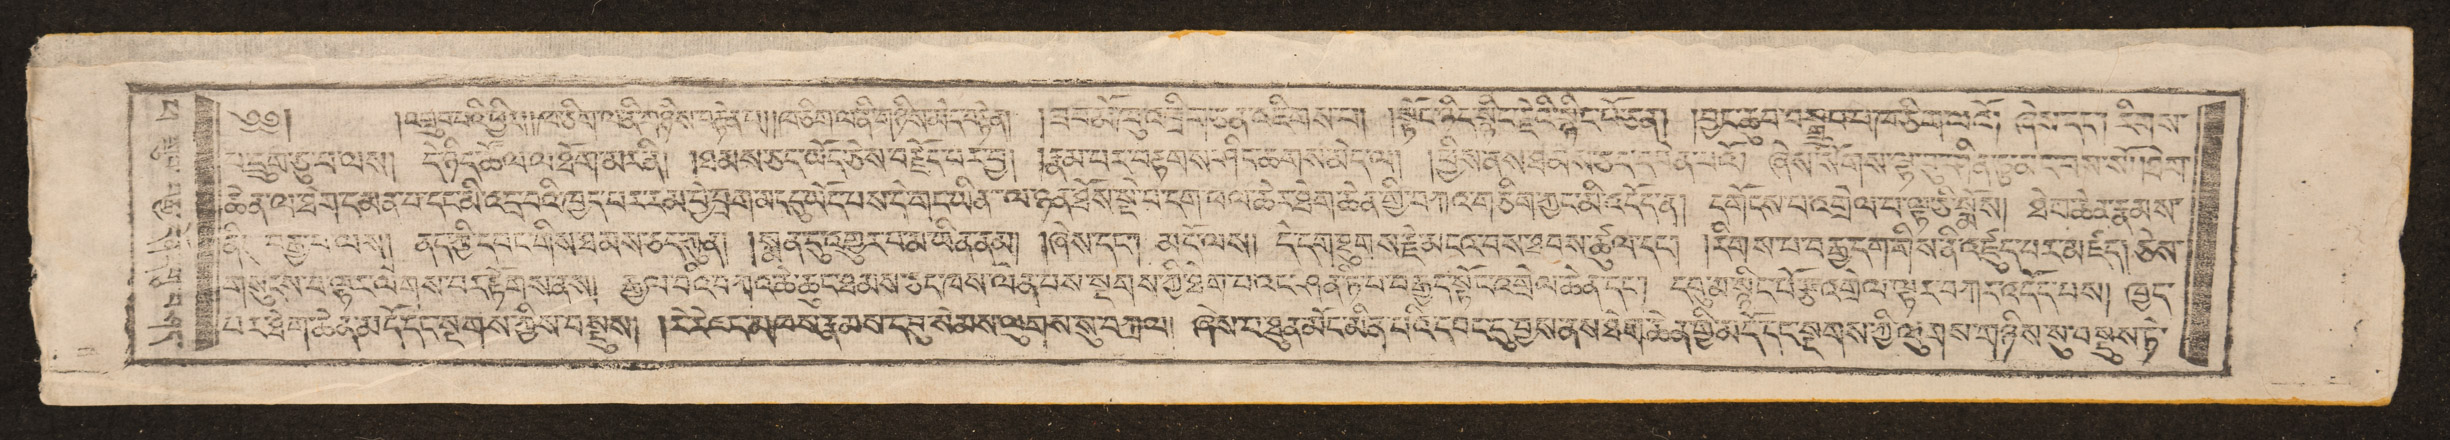༄༅། །འགྲུབ་པའི་ཕྱིར། །ཁ་ཅིག་ལ་ནི་གཉིས་བརྟེན་པ། །ཁ་ཅིག་ལ་ནི་གཉིས་མེད་བརྟེན། །ཟབ་མོ་ཁུ་འཁྲིག་ཅན་འཇིགས་པ། །སྟོང་ཉིད་སྙིང་རྗེའི་སྙིང་པོ་ཅན། །བྱང་ཆུབ་བསྒྲུབ་པ་ཁ་ཅིག་ལའོ། ཞེས་དང་། རིགས་
པ་དྲུག་ཅུ་བ་ལས། དེ་ཉིད་ཚོལ་ལ་ཐོག་མར་ནི། །ཐམས་ཅད་ཡོད་ཅེས་བརྗོད་པར་བྱ། །རྣམ་པར་བརྟགས་ཤིང་ཆགས་མེད་ལ། །ཕྱིས་ནས་ཐམས་ཅད་དབེན་པའོ། ཞེས་སོགས་ལྟ་བུ་ཤིན་ཏུ་མང་བས་སོ། །ཐེག་
ཆེན་ལ་ཐེག་དམན་པ་དང་མི་འདྲ་བའི་ཁྱད་པར་རམ་བྱེ་བྲག་མང་དུ་ཡོད་པས་དེ་གང་ཡིན་ལ་ཉན་ཐོས་སྡེ་བ་ངག་ཕལ་ཆེར་ཐེག་ཆེན་གྱི་བཀའ་གཅིག་ཀྱང་མི་འདོད་ན། དགོངས་པ་འགྲེལ་པ་ལྟ་ཅི་སྨོས། ཐེག་ཆེན་རྣམས་
ནི༑ བརྒྱ་པ་ལས། ནད་ཀྱི་དབང་གིས་ཐམས་ཅད་ཀུན། །སྨན་དུ་འགྱུར་པ་མ་ཡིན་ནམ། །ཞེས་དང་། མདོ་ལས། དེ་དག་ཐུགས་རྗེ་མངའ་བས་ཐབས་ཚུལ་དང་། །རིགས་པ་བརྒྱ་དག་གིས་ནི་འཛུད་པར་མཛད། ཅེས་
གསུངས་པ་ལྟར་ལེགས་པར་རྟོགས་ནས། རྒྱལ་བའི་བཀའ་ཆེ་ཆུང་ཐམས་ཅད་ཁས་ལེན་པས་སྔགས་ཀྱི་ཐེག་པའང་ཤན་ཏི་པ་བརྒྱད་སྟོང་འགྲེལ་ཆེན་དང་། དབུ་མ་སྙིང་པོ་རྩ་འགྲེལ་ལྟར་བཀར་འདོད་པས། ཁྱད་
པར་ཐེག་ཆེན་མདོ་དང་སྔགས་ཀྱིས་བསྡུས། །རེ་རེའང་མཁས་རྣམས་དབུ་སེམས་ལུགས་སུ་བཀྲལ། ཞེས་པ་ཐུན་མང་མིན་པའི་དབང་དུ་བྱས་ནས་ཐེག་ཆེན་གྱི་མདོ་དང་སྔགས་ཀྱི་ལུགས་གཉིས་སུ་བསྡུས་ཏེ་